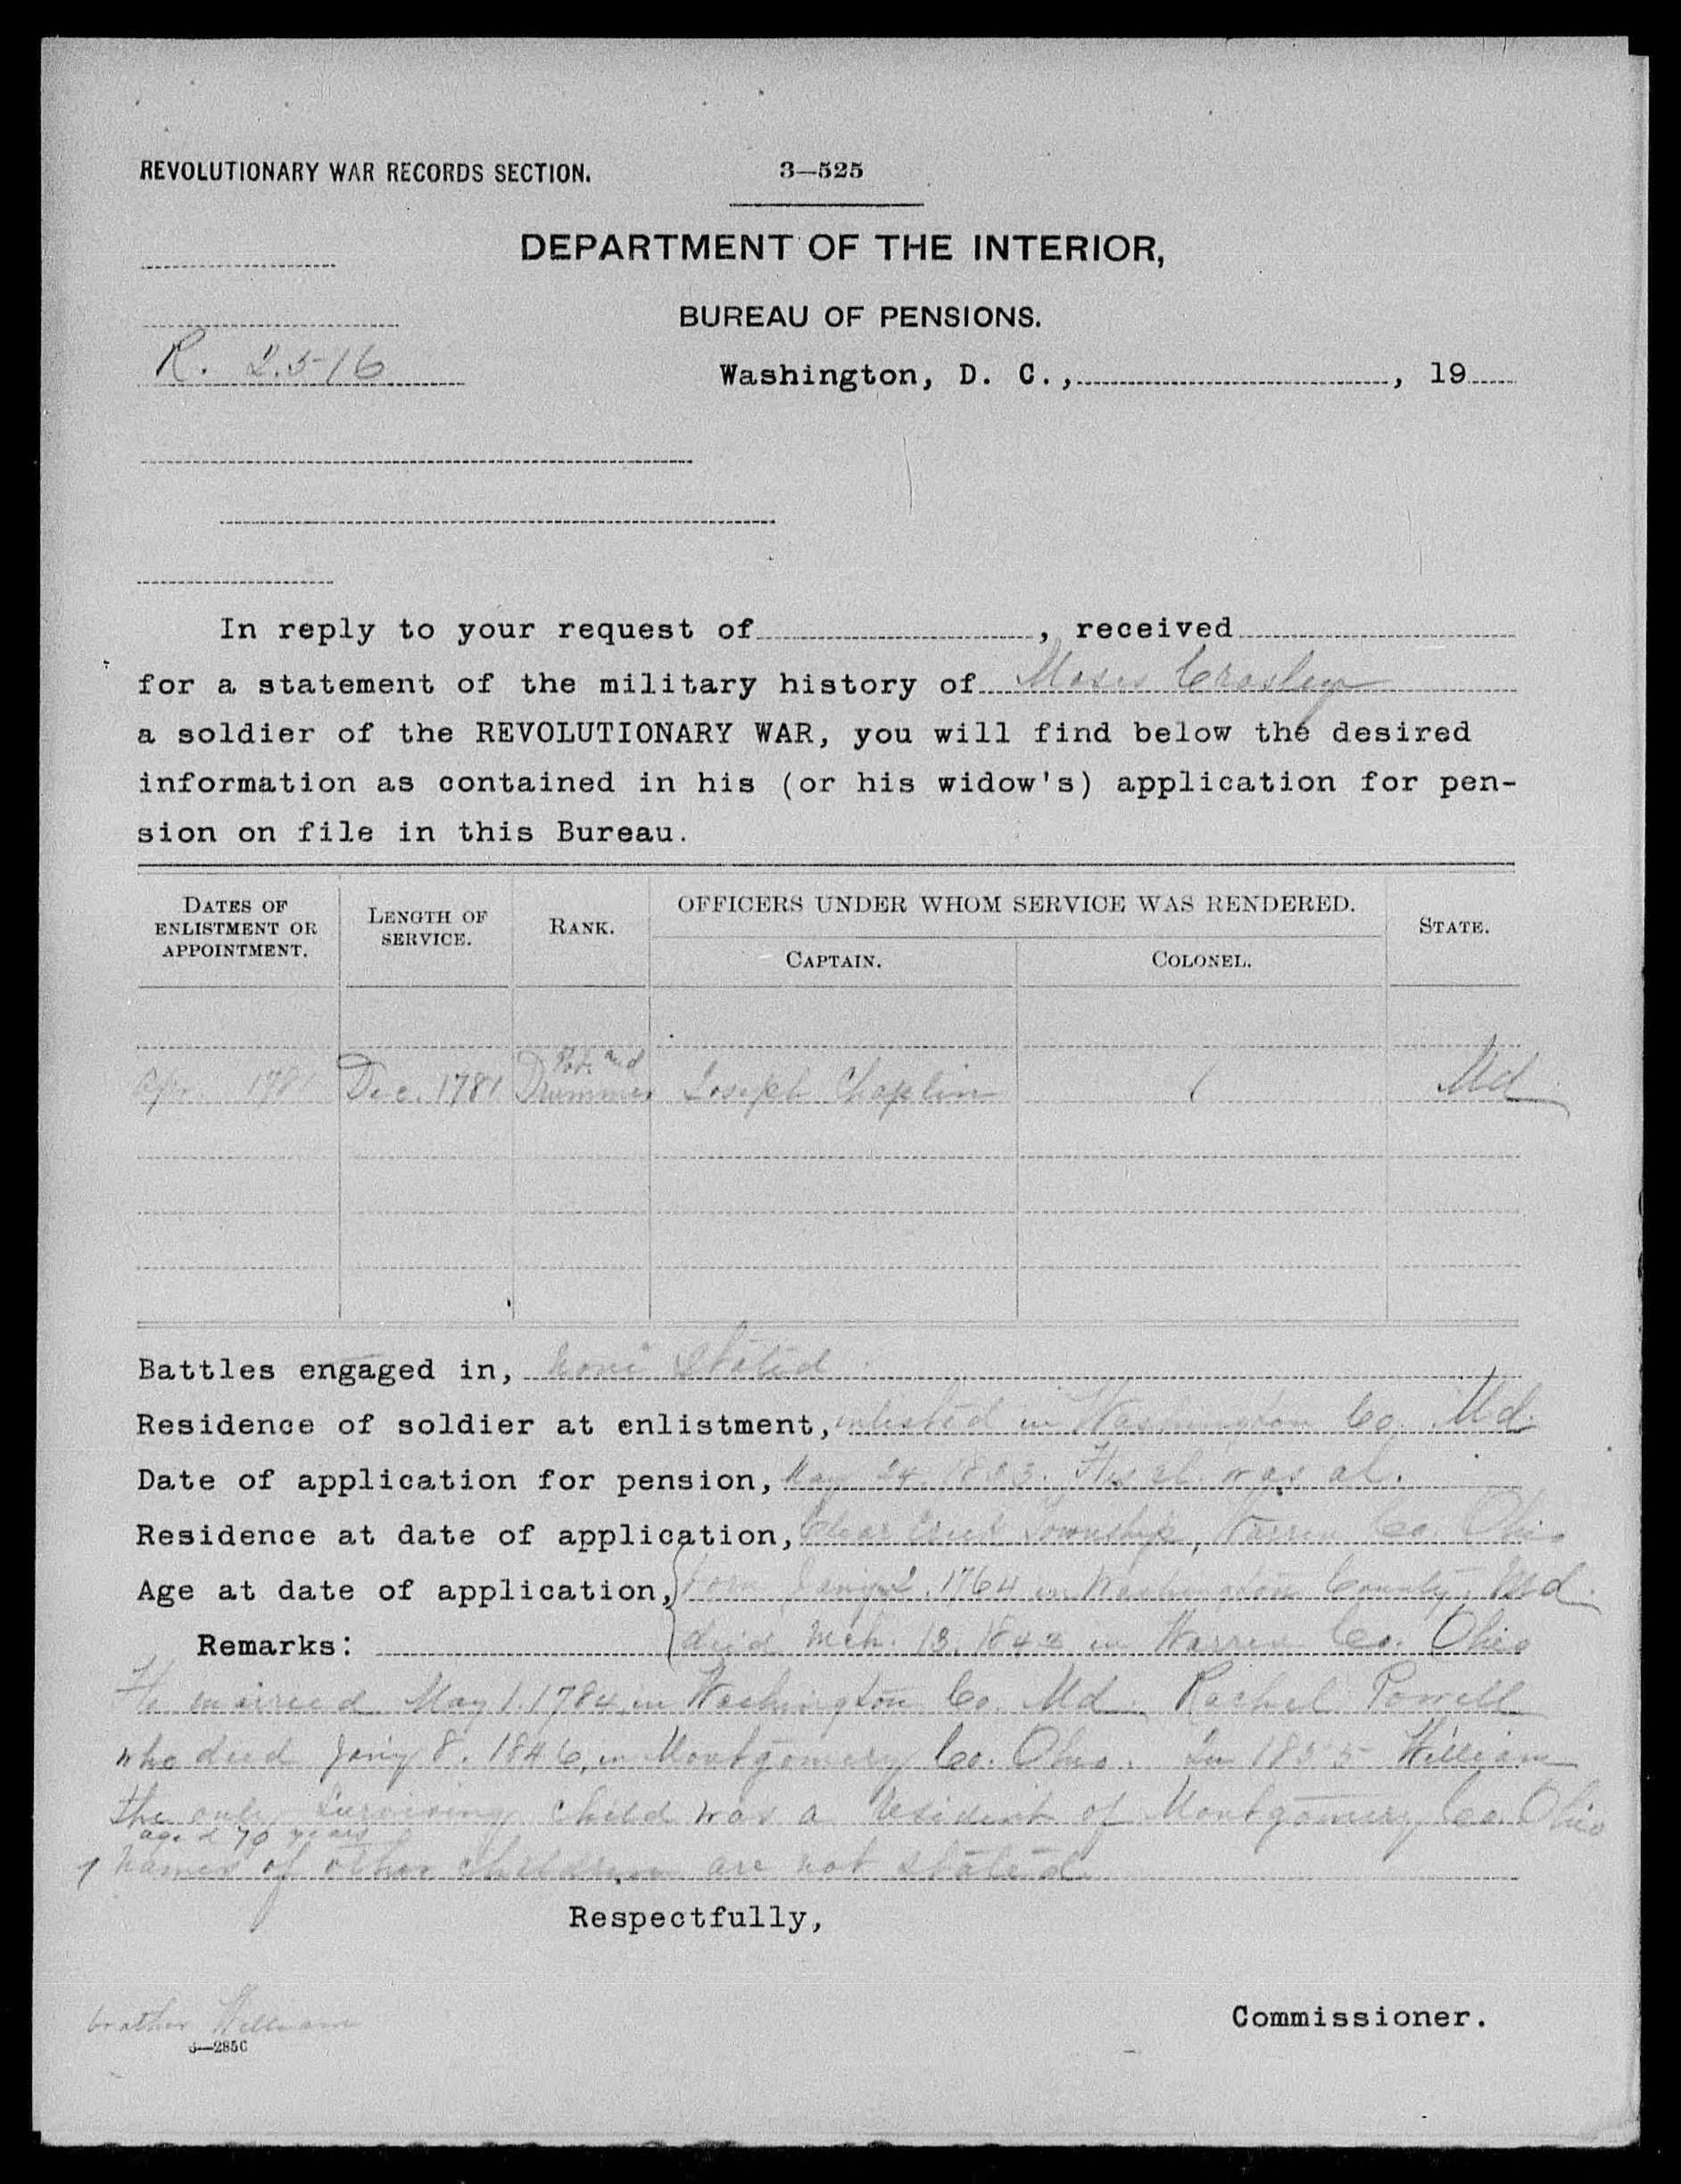Revolutionary War Records Section

3-525
Department of the Interior
Bureau of PEnsions
Washington D.C.

R.2576

In reply to your request of blank received blank for a statement of the military history of Moses Crosley a soldier of the revolutionary war you will find below the desired information as contained in his (or his widow's) application for pension on file in this Bureau.

Dates of Enlistment or Appointment - Apr 1781
Length of Service - Dec 1781
Rank - Pvt and Drummer
Officers under whom Service was Rendered
Captain - Joseph Chaplin
Conlen - (illegible)
State - MD

Battles engaged in - none stated
Residence of soldier at enlistment - enlisted in Washington Co, MD
Date of application for pension - May 24, 1833 - His Claim was allowed
Residence at date of application - Clear Creek Township, Warren Co Ohio
Age at date of application - born January 2, 1764, in Washington County, MD - died March 13, 1842, in Warren Co, Ohio
Remarks - He married May 1, 1784, in Washington Co, MD Rachel Powell who died Jany 8, 1846 in Montgomery Co, Ohio. In 1855 William the only surviving child was a resident of Montgomery Co, Ohio aged 70 years and names of other children are not stated.

Respectfully
Commissioner

Brother William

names: Moses Crosley, Joseph Chaplin, Rachel Powell, William, William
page: 25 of 37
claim: rejected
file: R. 2516, Moses Crosley, Md.